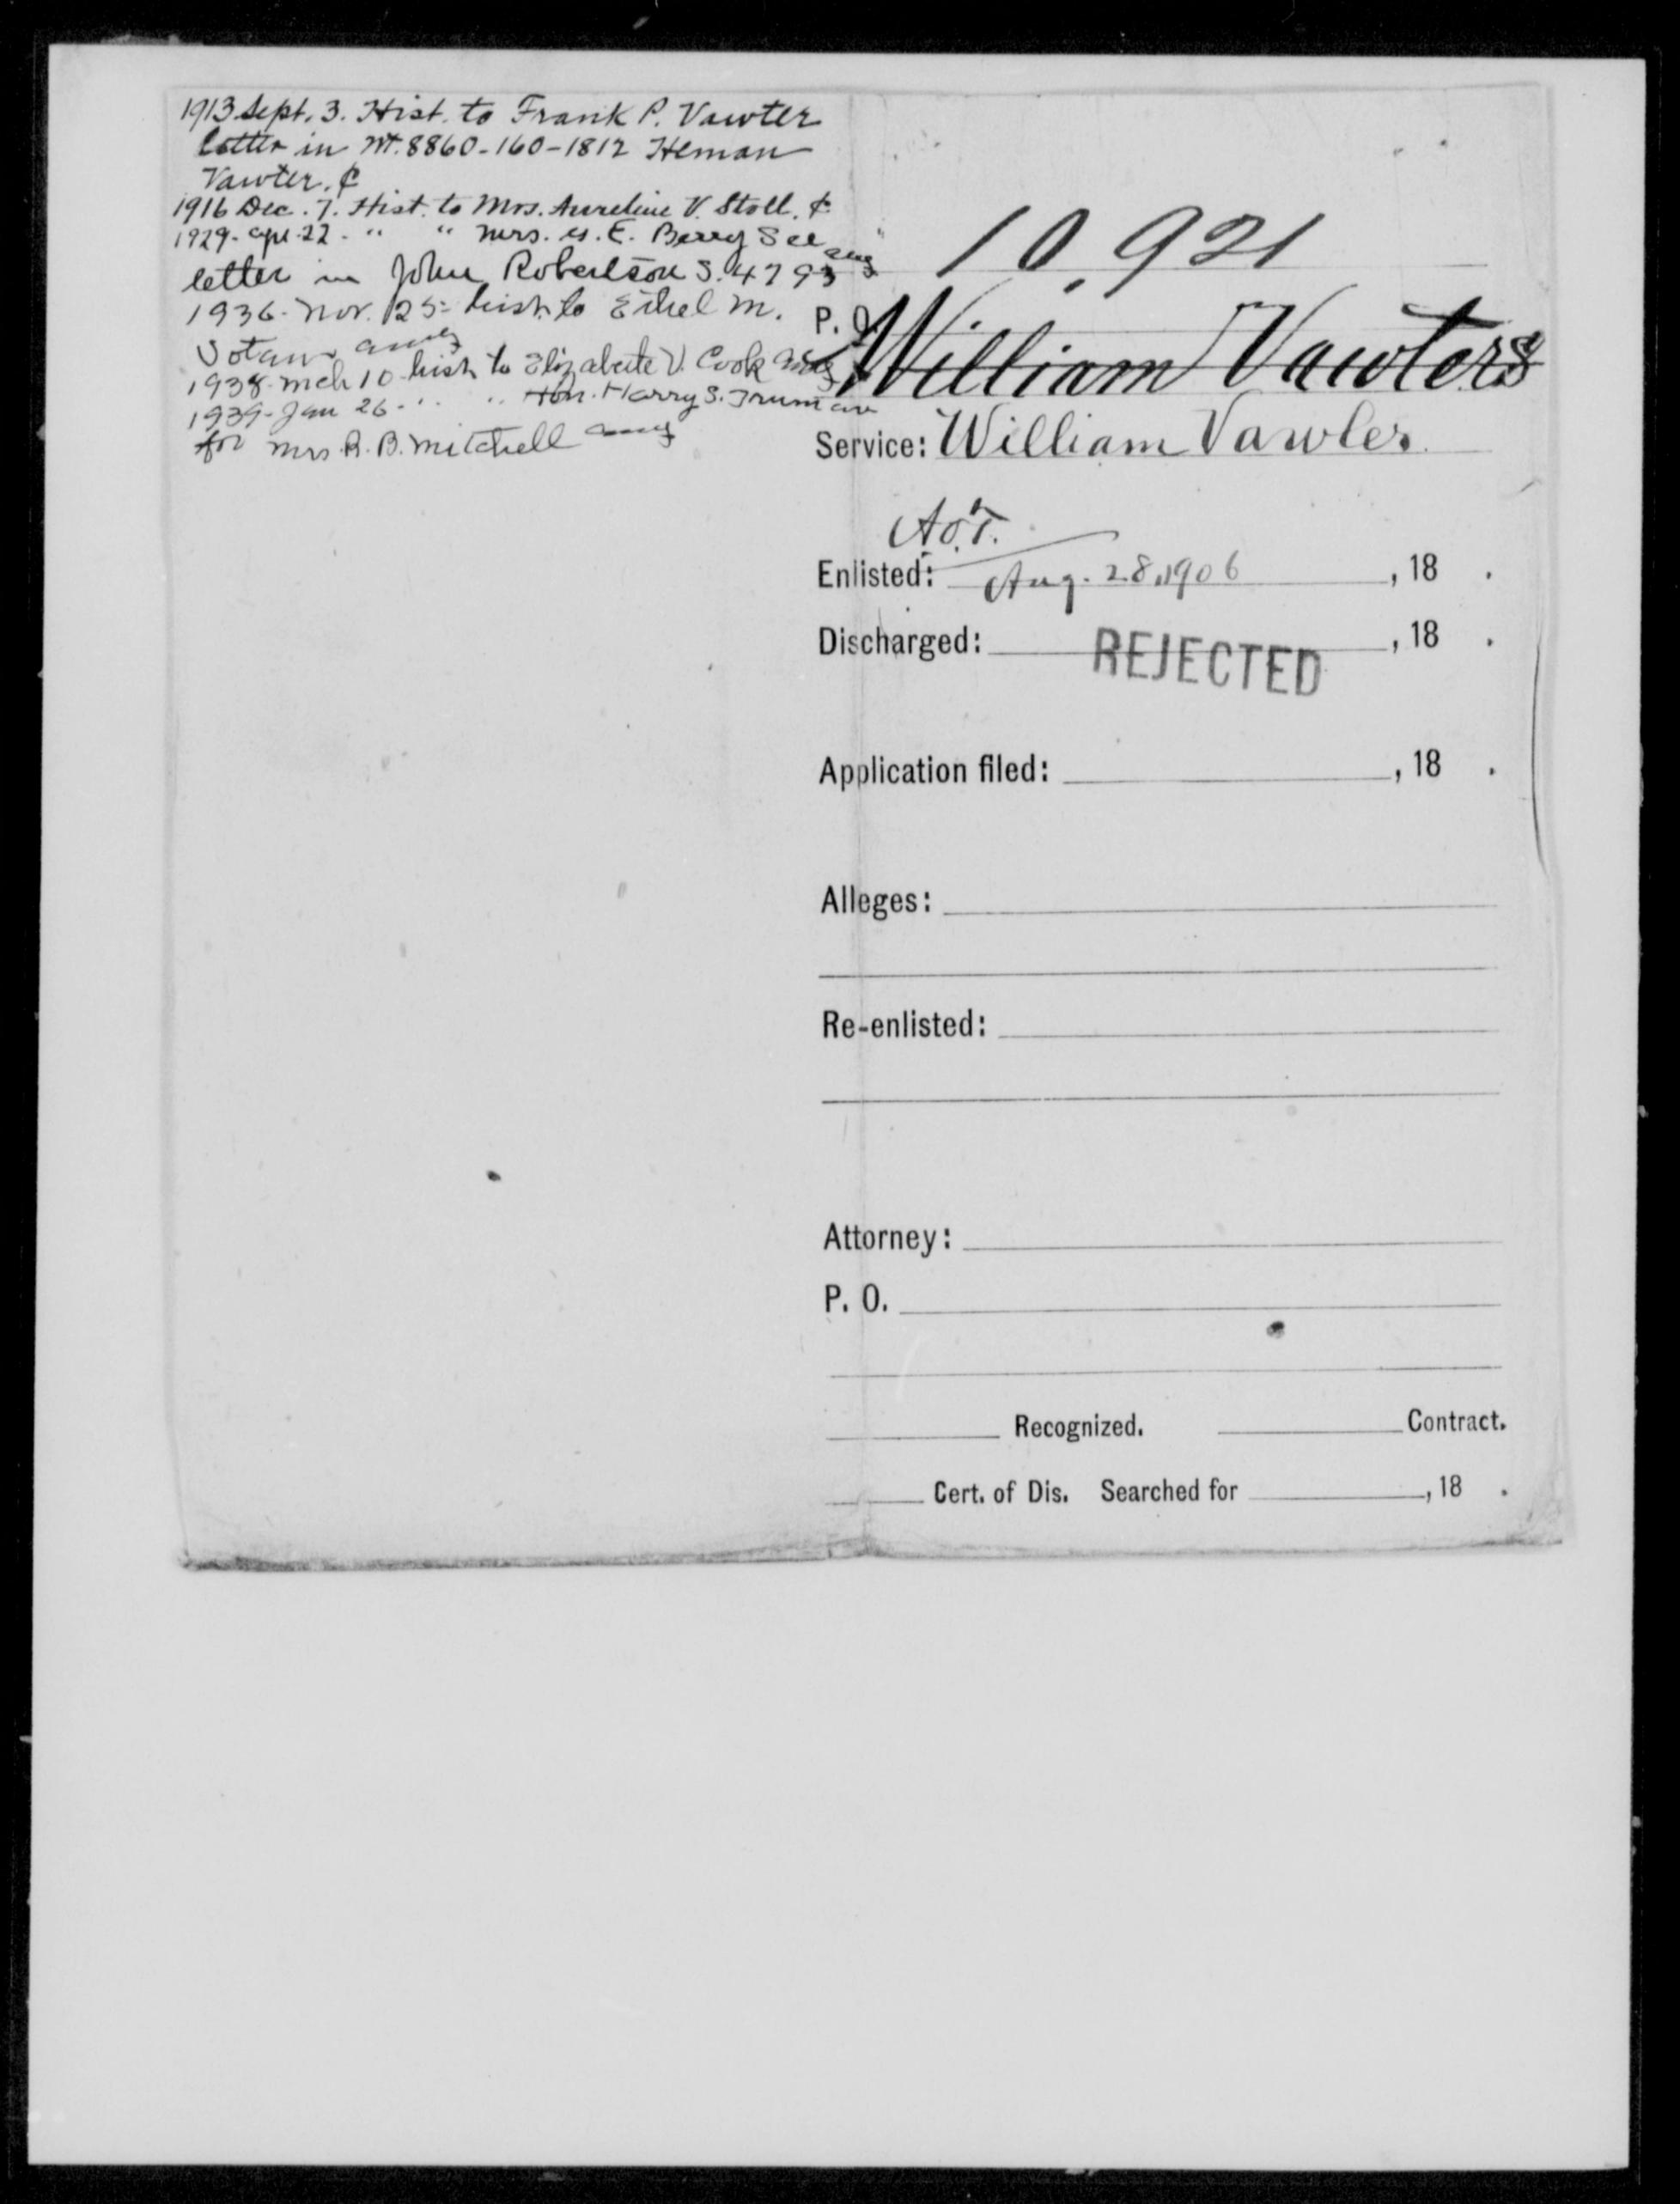1913 Sept. 3. Hist. to Frank P. Vawter
letter in Wt. 8860-160- 1812 Heman
Vawter.
1916 Dec. 7. Hist. to Mrs. Aureline V. Stoll, 
1929. Apr 12. "  " Mrs. G. E. Berry See Aug
letter in John Robertson S. 4793
1936. Nov. 25. Hist. to Ethel M.
Vawters and
1938 Mch 10 Hist ot Elizabeth V. Cook May
1939 Jan 26  "   " Hon. Harry S. Truman
for Mrs R.B. Mitchell [...illegible]


10921
P.O.
Service: William Vawter
A.O.T.
Enlisted: Aug. 28 1906  , 18
Discharged:  REJECTED   ,18
Application filed:__,18
Alleges:
Re-enlisted:
Attorney:
P. O.
Recognized. Contract.
Cert. of Dis.   Searched for__,18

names: William Vawter, Heman Vawter, Harry S Truman, Aureline V Stoll, R B Mitchell, Frank P Vawter, John Robertson, Ethel M Votaw, Elizabeth V Cook, William Vawters, G E Berry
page: 18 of 51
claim: rejected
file: R. 10,921, William Vawter, Va.